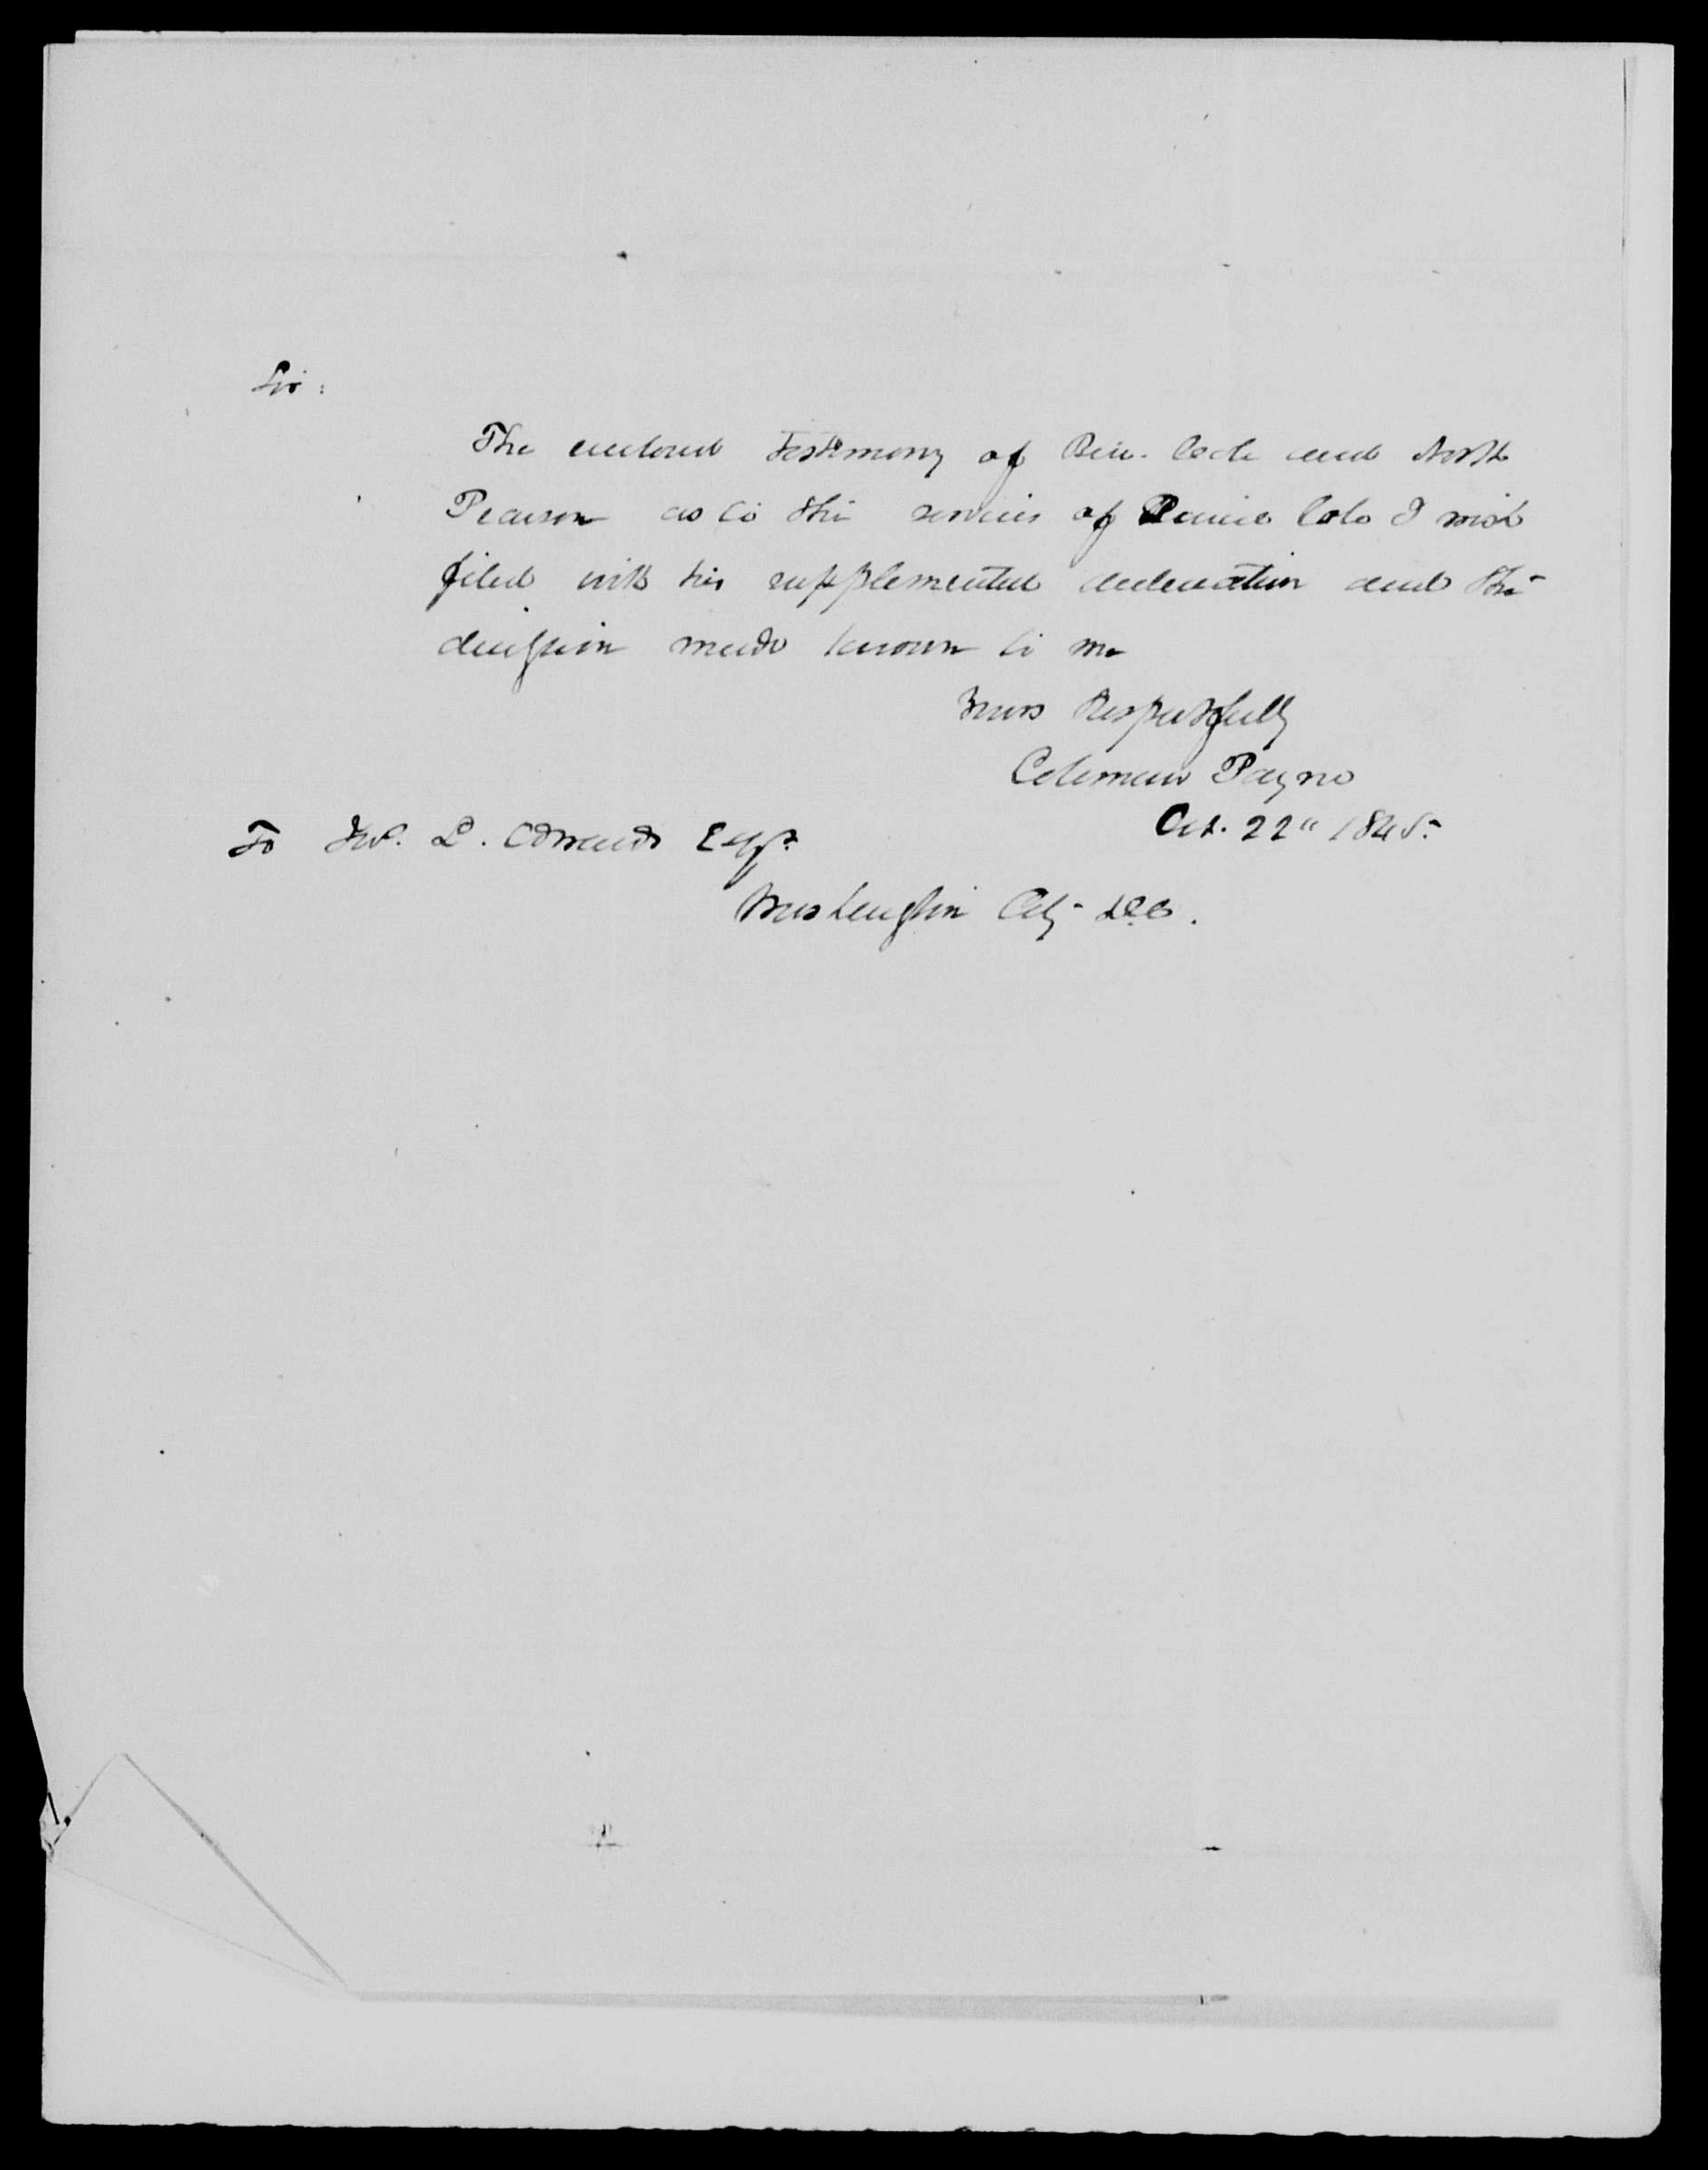Sir
The enclosed testimony of Ben Cole and North
Pearson as to the services of Daniel Cole I wish
filed in his supplemental declaration and the
decision made known to me
Yours Respectfully
Coleman Payne
Oct. 22" 1845.

To Jas [James] L. Edwards Esqr

Washington City DC.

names: North Pearson, Jas L Edwards, Ben Cole, Daniel Cole, Coleman Payne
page: 34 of 61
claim: survivor's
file: S. 8236, Daniel Cole, Va.